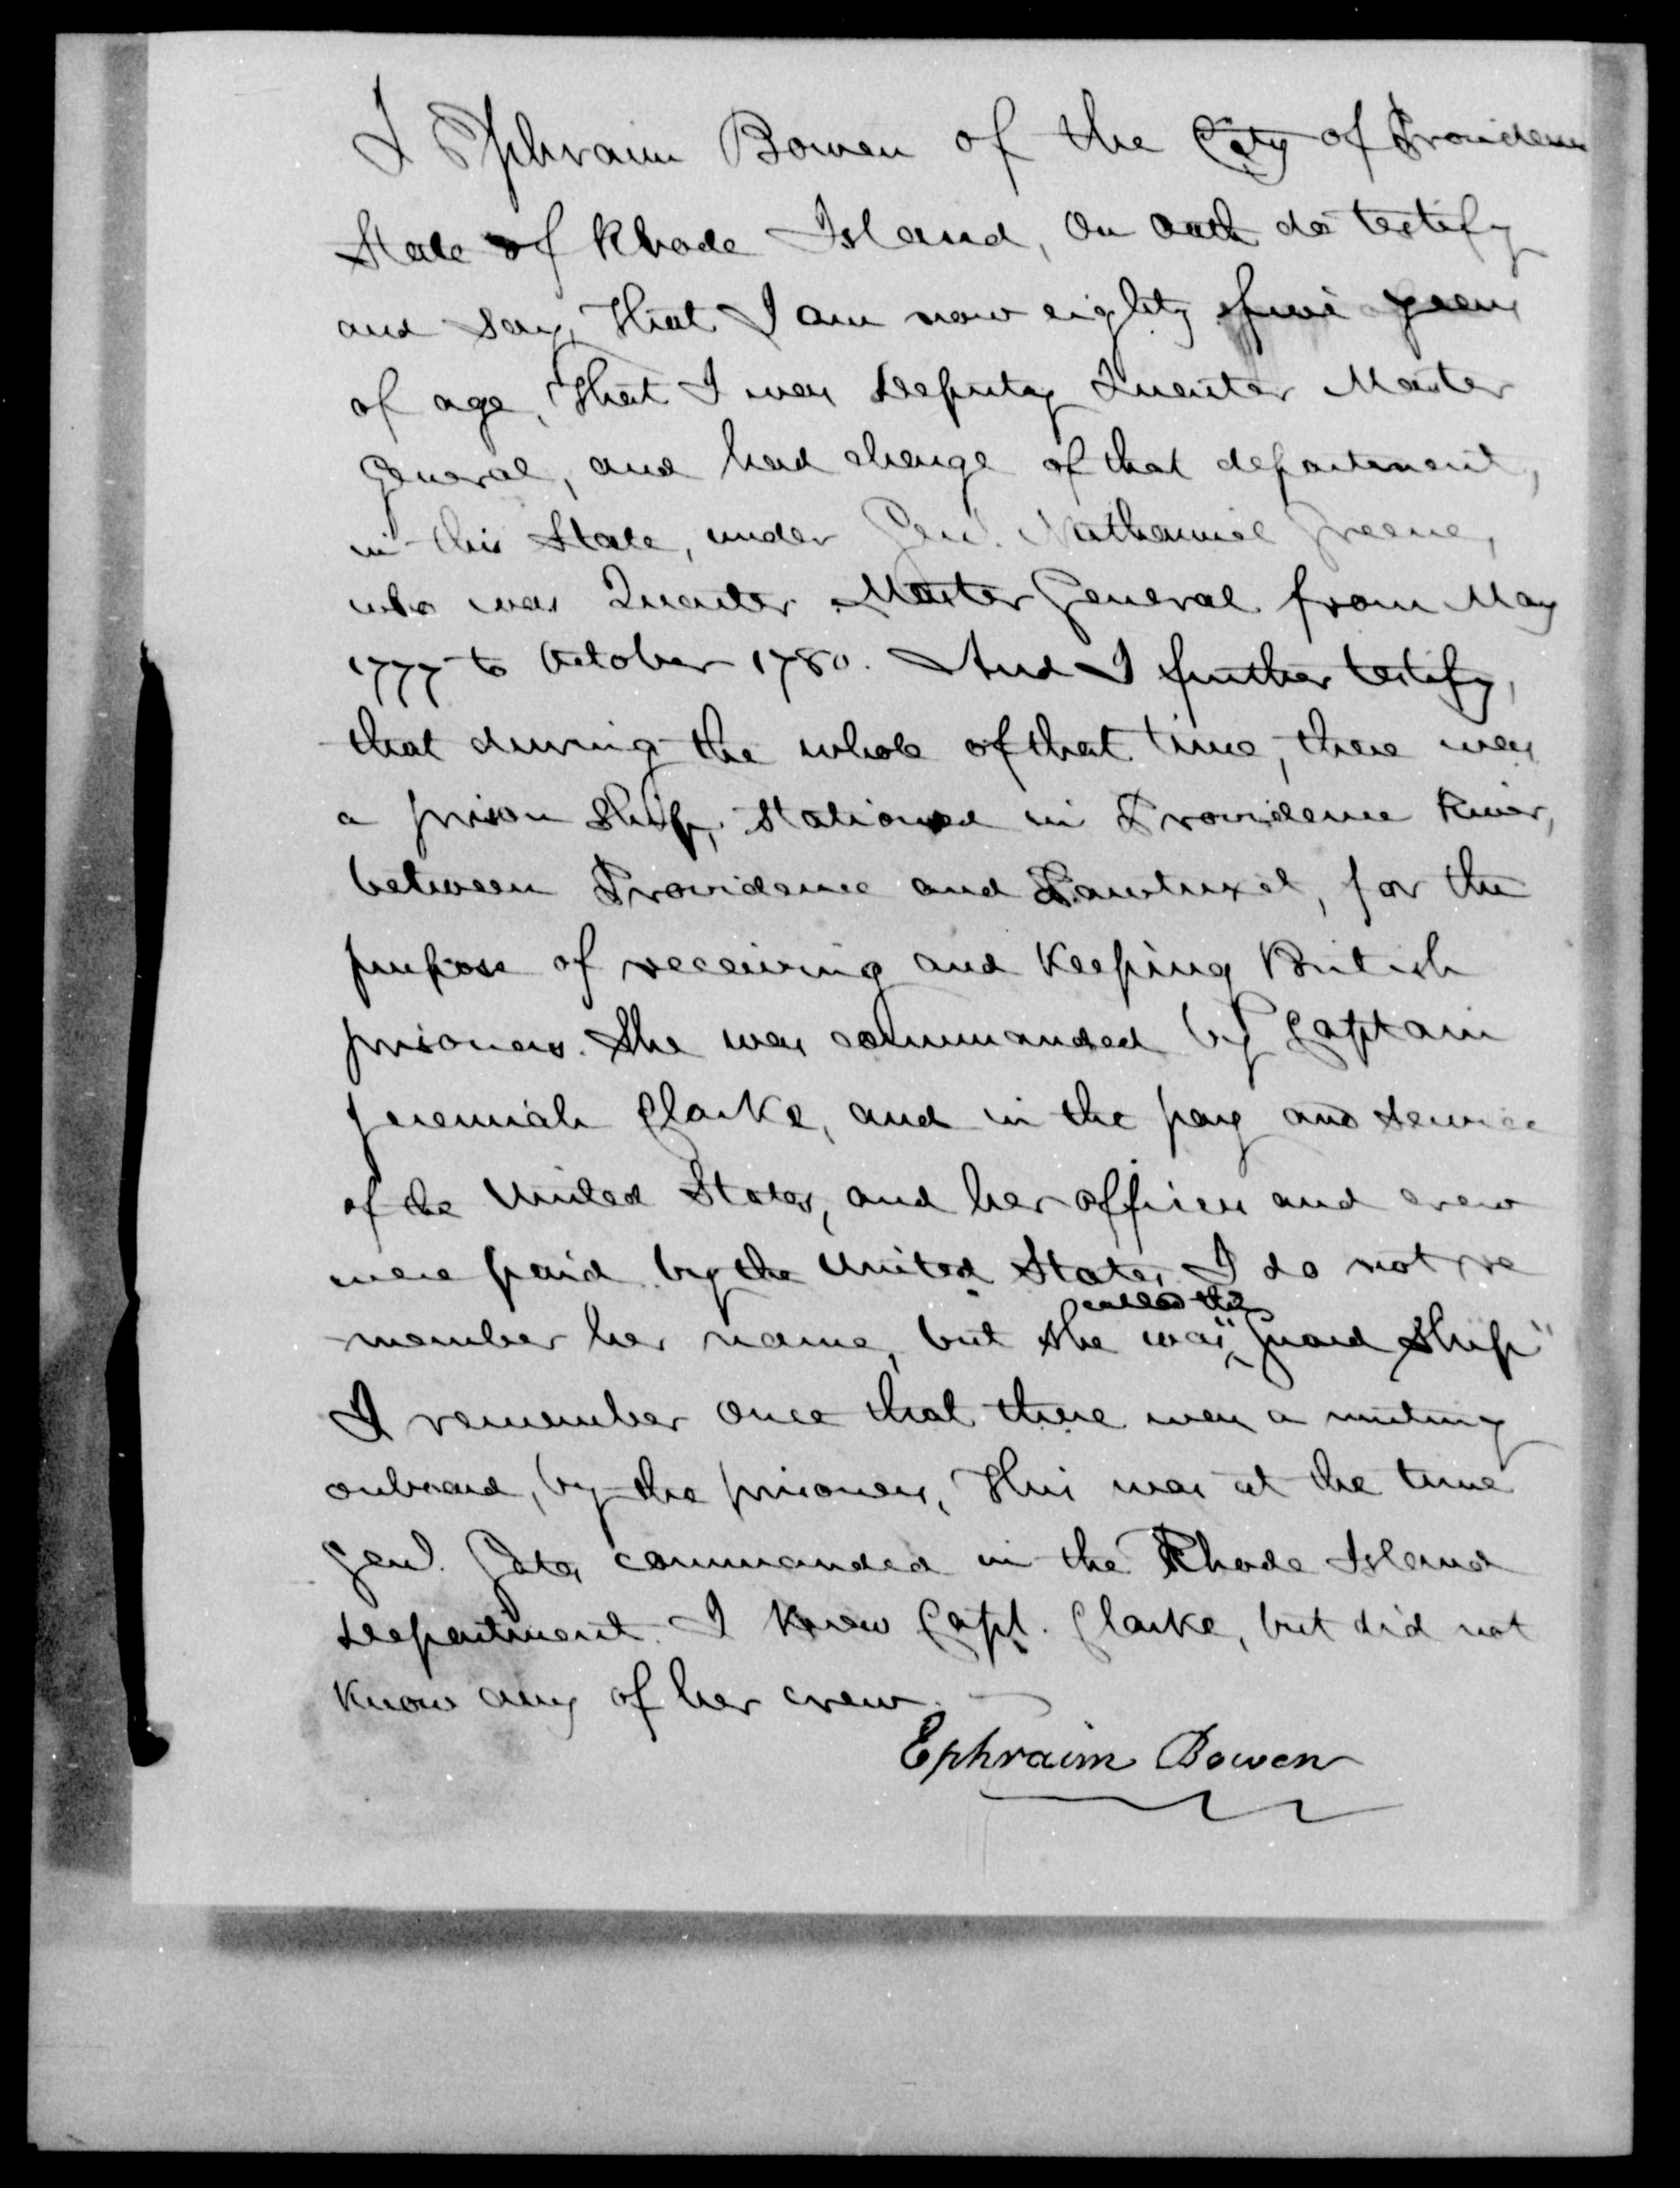I Ephraim Bowen of the City of Providence
State of Rhode Island, on oath do testify
and say that I am now eighty five years of
age, that I was Deputy Quarter Master
general, and had charge of that department,
in this State, under Genl Nathaniel Greene,
who was Quarter Master General from May
1777 to October 1780. And I further certify,
that during the whole of that time there was
a prison ship, stationed in Providence River
between Providence and Pawtuxet, for the
purpose of receiving and keeping British
prisoners. She was commanded by Captain
Jeremiah Clarke, and in the pay and service
of the United States, and her officers and crew
were paid by the United States. I do not remember her name, but she was called the "guard ship". I remember Once that there was
a mutiny onboard, by the prisoners, This was at the time Genl Gates commanded in the Rhode Island department. I knew Capt. Clarke, but did not know any of her crew. Ephraim Bowen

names: Nathaniel Greene; Ephraim Bowen; Ephraim Bowen; [BLANK] Clarke; Jeremiah Clarke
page: 34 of 50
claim: widow's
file: W. 22058, for Benjamin Rhodes, Rhode Island